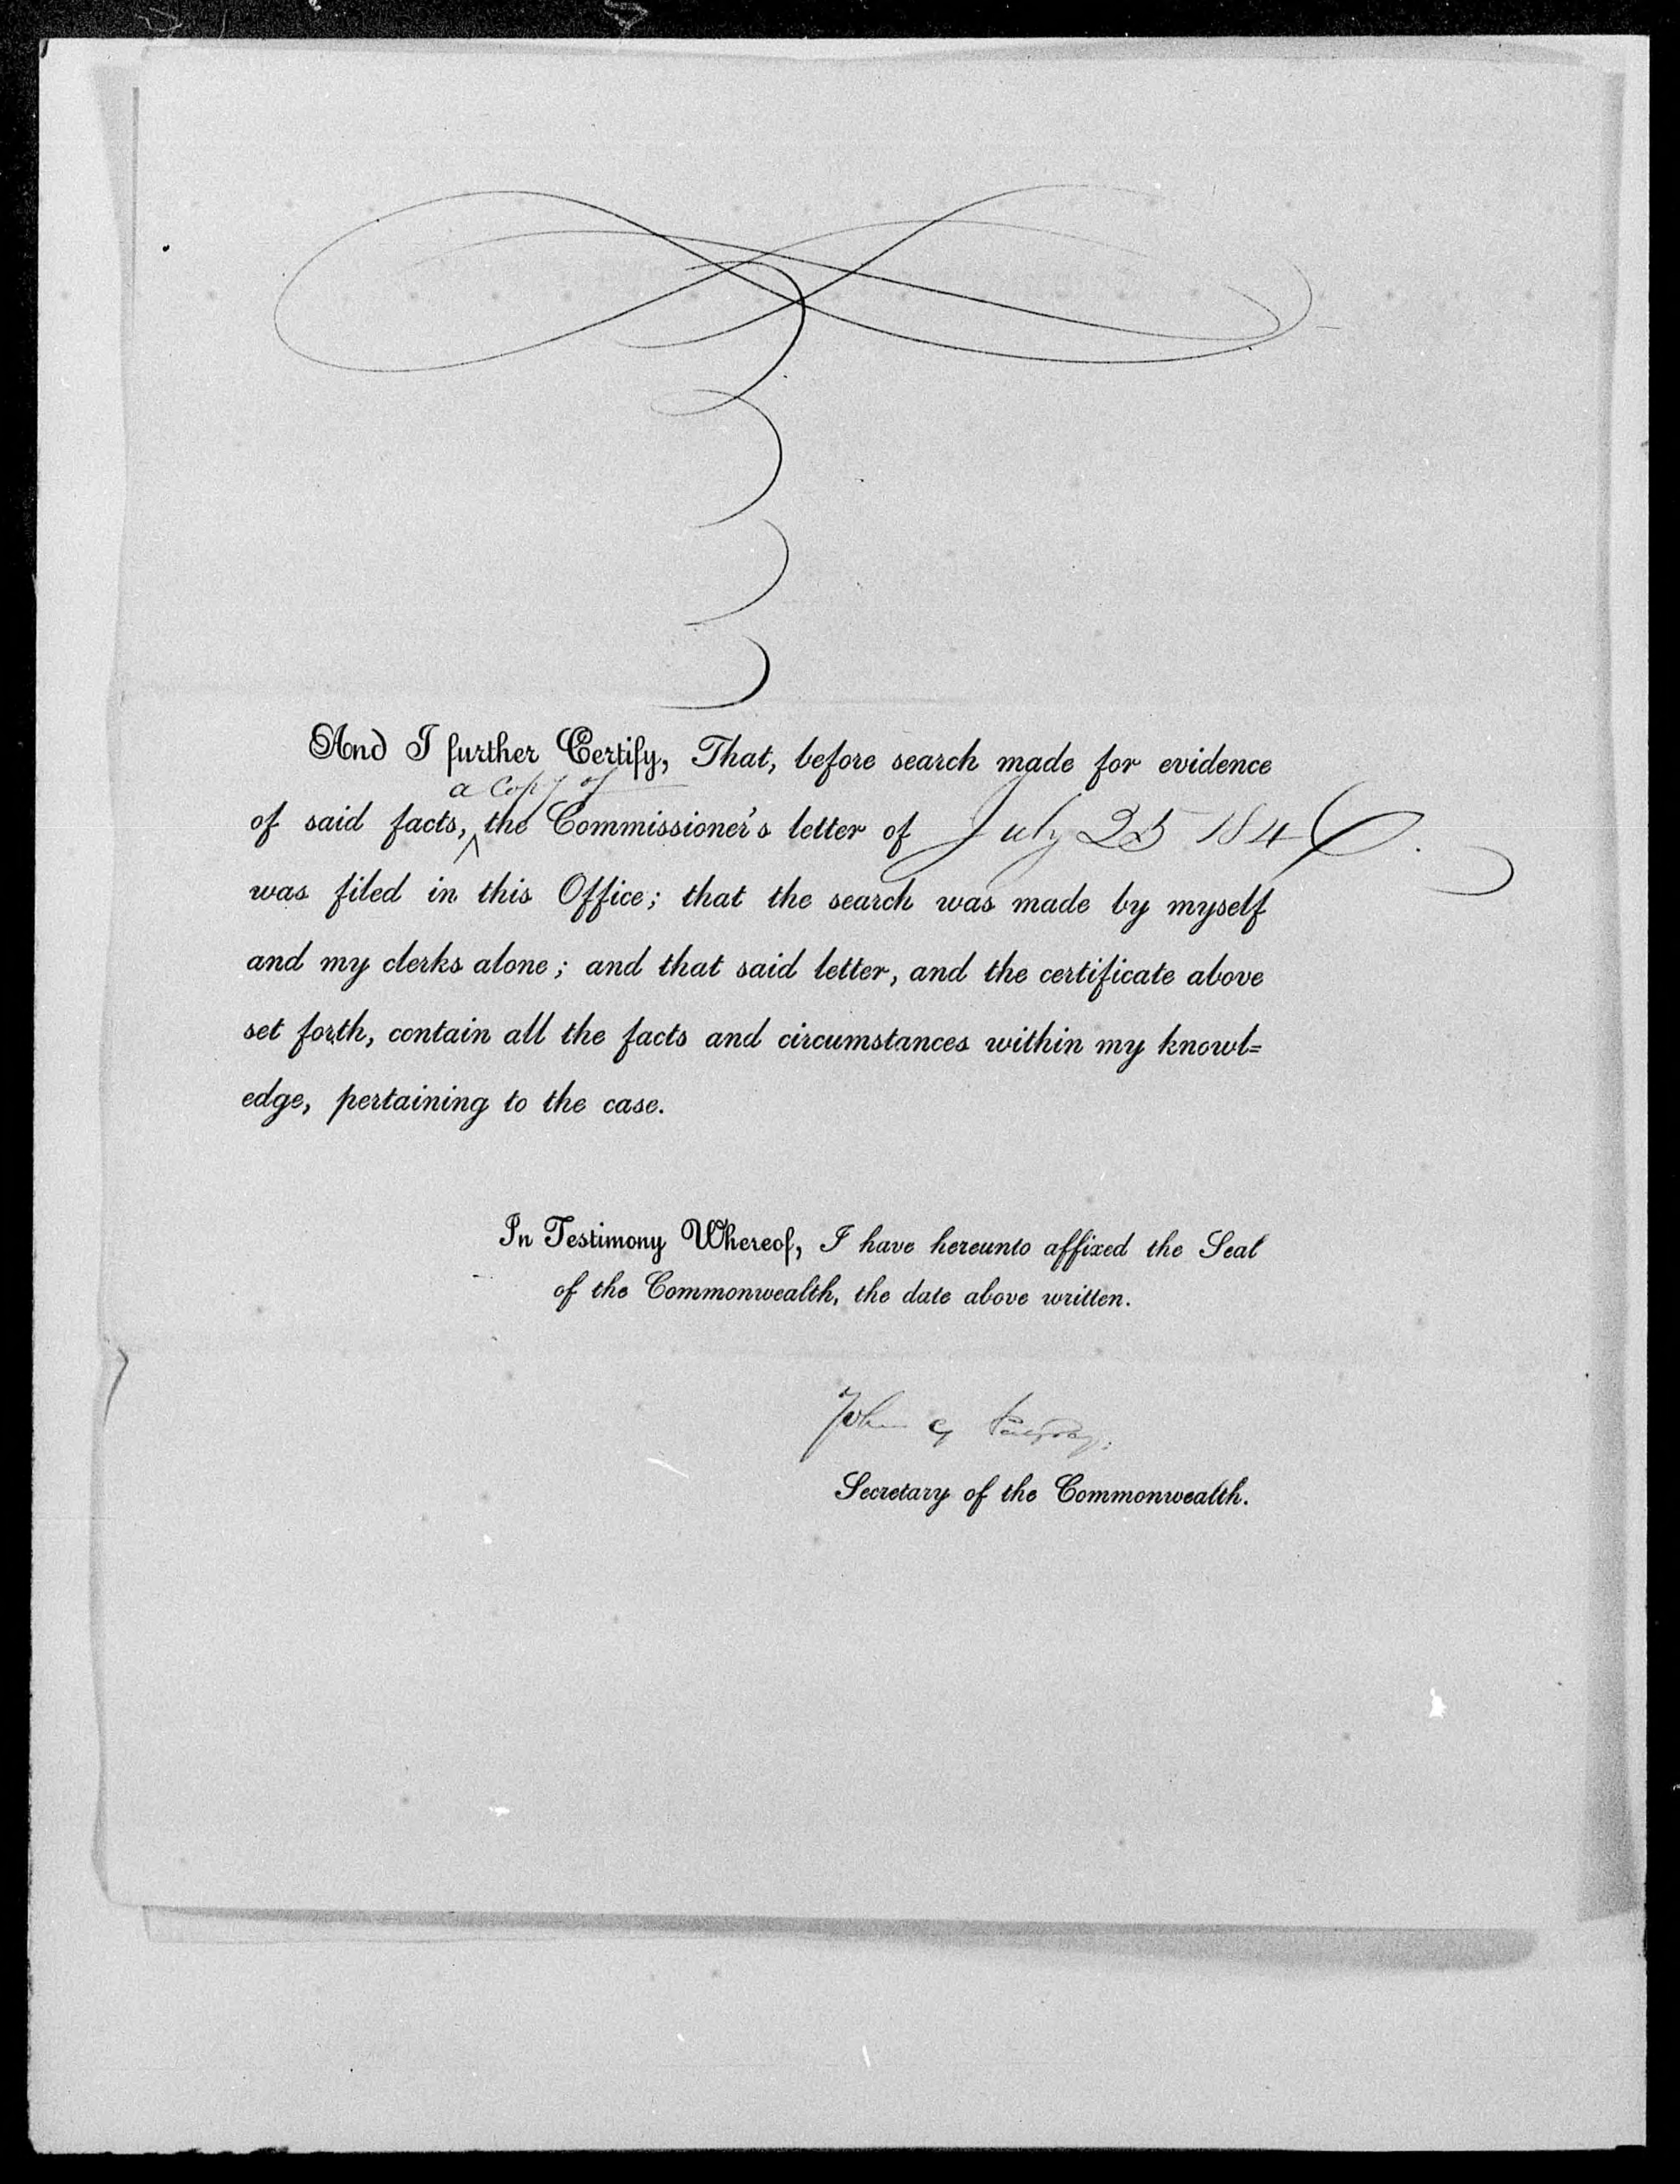And I further Certify, that before search made for evidence of said facts a copy of the Commissioner's letter of July 25 1846 was filed in this Office; that the search was made by myself and my clerks alone; and that said letter, and the certificate above set forth, contain all the facts and circumstances within my knowledge, pertaining to the case.
In Testimony Wereof, I have herunto affixed the Seal of the Commonwealth, the date above written.
John G Palfrey
Secratary of the Commonwealth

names: John G Palfrey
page: 48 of 67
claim: widow's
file: W. 23183, Jesse Hardy, Mass.